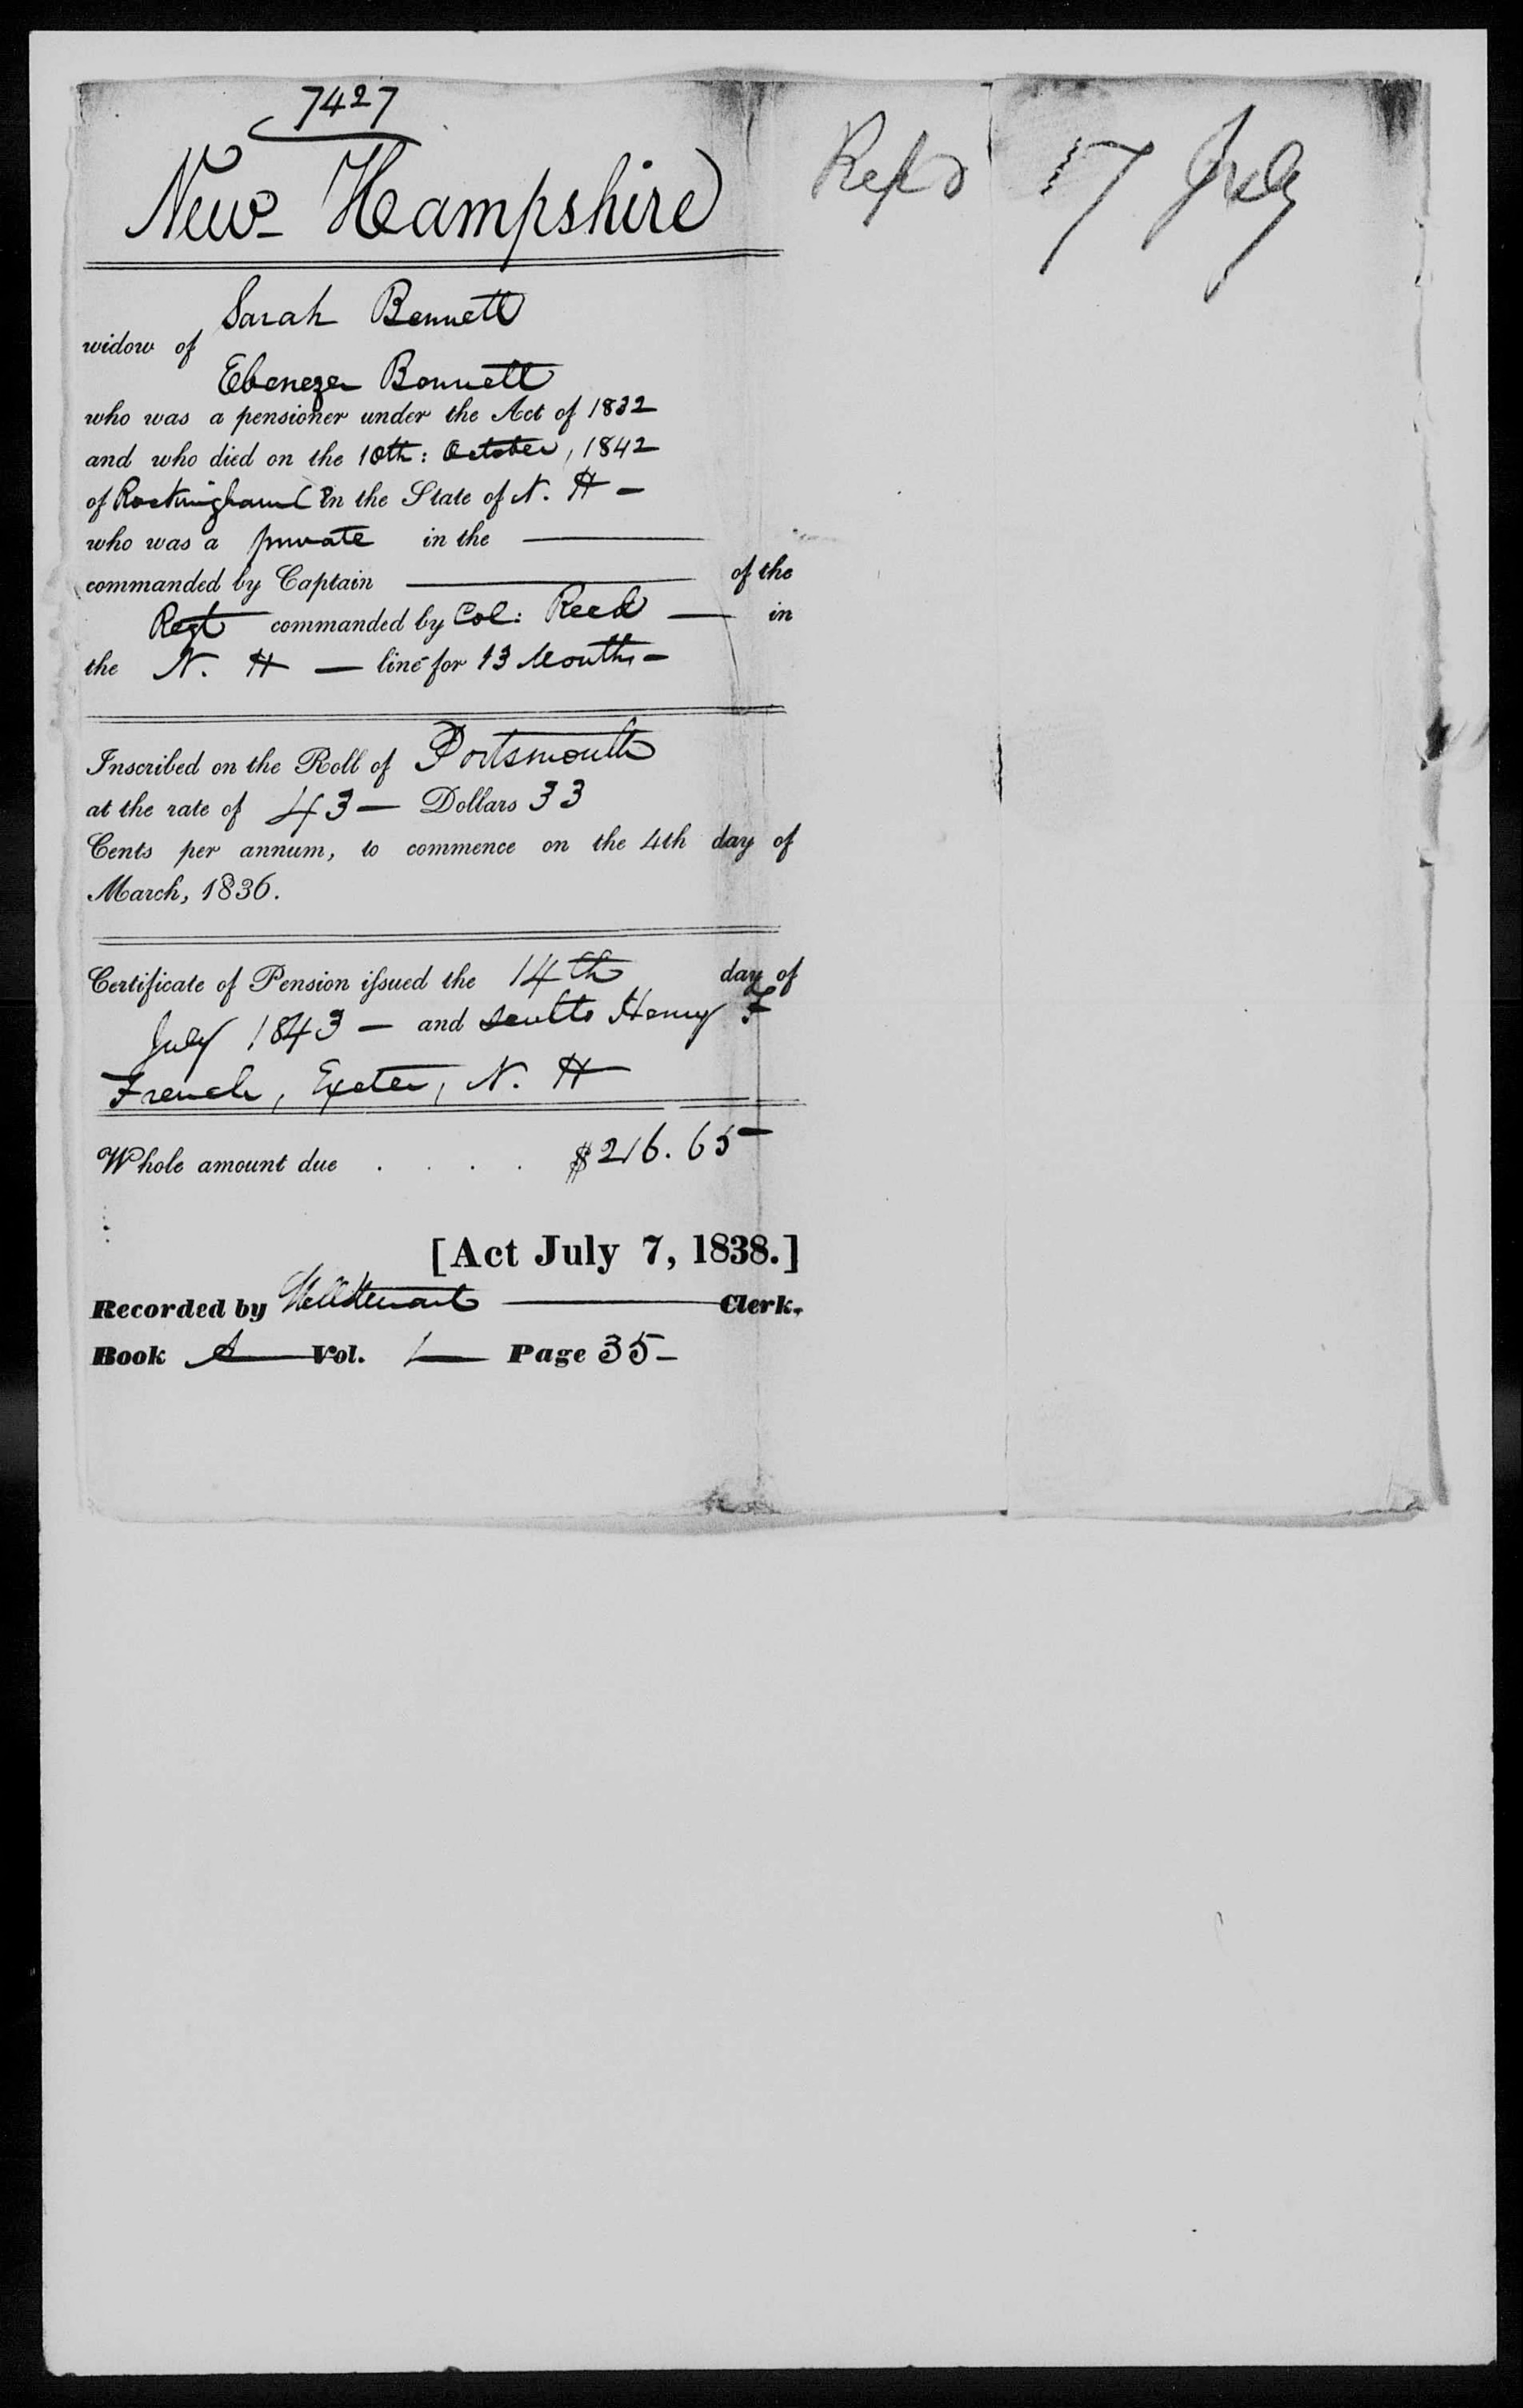Repo 17 July
7427
New Hampshire
===
Sarah Bennett
widow of
Ebenezer Bennett
who was a pensioner under the Act of 1832
and who died on the 10th: October, 1842
of Rockingham in the State of N. H -
who was a private in the ----
commanded by Captain --- of the
Regt commanded by Col. Reed -- in
the N.H. line for 13 months
========================
Inscribed on the Roll of Portsmouth
at the rate of 43- Dollars 33
Cents per annum, to commence on the 4th
day of March, 1836.
=========================
Certificate of Pension issued the 14th
day of July 1843 - and sent to Henry
French, Exeter, N.H
========================
Whole amount due . . . . . . . . . $216.65
[Act July 7, 1838.]
Recorded by Well Stewart - Clerk.
Book A Vol. 1 Page 35 -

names: Henry F French, Sarah Bennett, W M Stewart, Ebenezer Bennett, Reed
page: 41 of 43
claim: widow's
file: W. 21665, Ebenezer Bennett, N. H. Privateer.